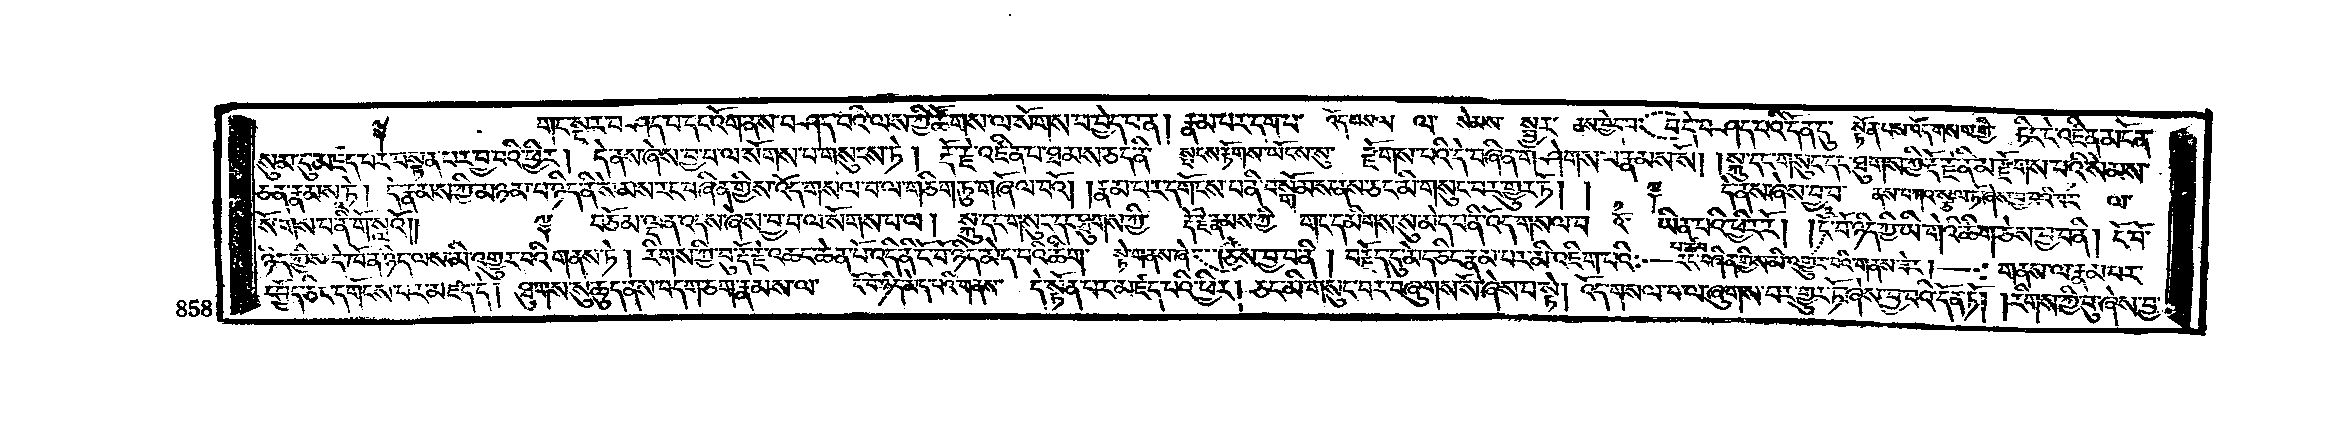༈ གང་སྔར་བཤད་པ་དང་འོག་ནས་བཤད་པའི་ལས་ཀྱི་ཚོགས་ལ་སོགས་པ་བྱེད་པ་ན། རྣམ་པར་དག་པ་འོད་གསལ་ལ་སེམས་སྦྱར་ནས་བྱེད་པ་བ་དེ་བཤད་པའི་དོན་དུ་སྟོན་པས་འོད་གསལ་གྱི་ཏིང་ངེ་འཛིན་མངོན་
སུམ་དུ་མཛད་པར་བསྟན་པར་བྱ་བའི་ཕྱིར། དེ་ནས་ཞེས་བྱ་བ་ལ་སོགས་པ་གསུངས་ཏེ། རྡོ་རྗེ་འཛིན་པ་ཐམས་ཅད་ནི་སྤངས་རྟོགས་ཡོངས་སུ་རྫོགས་པའི་དེ་བཞིན་གཤེགས་པ་རྣམས་སོ། །སྐུ་དང་གསུང་དང་ཐུགས་ཀྱི་རྡོ་རྗེ་ནི་མ་རྫོགས་པའི་སེམས་
ཅན་རྣམས་ཏེ། དེ་རྣམས་ཀྱི་མཉམ་པ་ཉིད་ནི་སེམས་རང་བཞིན་གྱིས་འོད་གསལ་བ་ལ་གཅིག་ཏུ་གཞོལ་བའོ། །རྣམ་པར་དགོངས་པ་ནི་བསྒོམས་ནས་ཅང་མི་གསུང་བར་གྱུར་ཏོ།། ༈ དེ་ནས་ཞེས་བྱ་བ་ནས་བཀའ་སྩལ་ཏོ་ཞེས་བྱ་བའི་བར་ལ་
སོགས་པ་ནི་གོ་སླའོ།། ༈ བཅོམ་ལྡན་འདས་ཞེས་བྱ་བ་ལ་སོགས་པ་ལ། སྐུ་དང་གསུང་དང་ཐུགས་ཀྱི་རྡོ་རྗེ་རྣམས་ཀྱི་གང་དམིགས་སུ་མེད་པ་ནི་འོད་གསལ་བ་༡་འོ་ཡིན་པའི་ཕྱིར་རོ། །༢་ངོ་བོ་ཉིད་ཀྱི་ཡི་གེའི་ཚིག་ཅེས་བྱ་བ་ནི། ངོ་བོ་
ཉིད་ཀྱིས་དེ་ཁོ་ན་ཉིད་ལས་མི་འགྱུར་བའི་གནས་ཏེ། རིགས་ཀྱི་བུ་རྡོ་རྗེ་འཆང་ཆེན་པོ་འདི་ནི་ངོ་བོ་ཉིད་མེད་པའི་ཚིག་སྟེ་གནས་ཞེ་ཅེས་བྱ་བ་ནི། བརྗོད་དུ་མེད་ཅིང་རྣམ་པར་མི་འཇིག་པའིཿ་པ་ཚབ་རང་བཞིན་གྱིས་མི་འགྱུར་བའི་གནས་ཟེར།.H གནས་ལ་རྣམ་པར་
དཔྱོད་ཅིང་དགོངས་པར་མཛད་དེ། ཐུགས་སུ་ཆུད་ནས་བདག་ཅག་རྣམས་ལ་ངོ་བོ་ཉིད་མེད་པའི་གནས་དེ་སྟོན་པར་མཛད་པའི་ཕྱིར། ཅང་མི་གསུང་བར་བཞུགས་སོ་ཞེས་པ་སྟེ། འོད་གསལ་བ་ལ་ཞུགས་པར་གྱུར་ཏོ་ཞེས་བྱ་བའི་དོན་ཏོ། །རིགས་ཀྱི་བུ་ཞེས་བྱ་